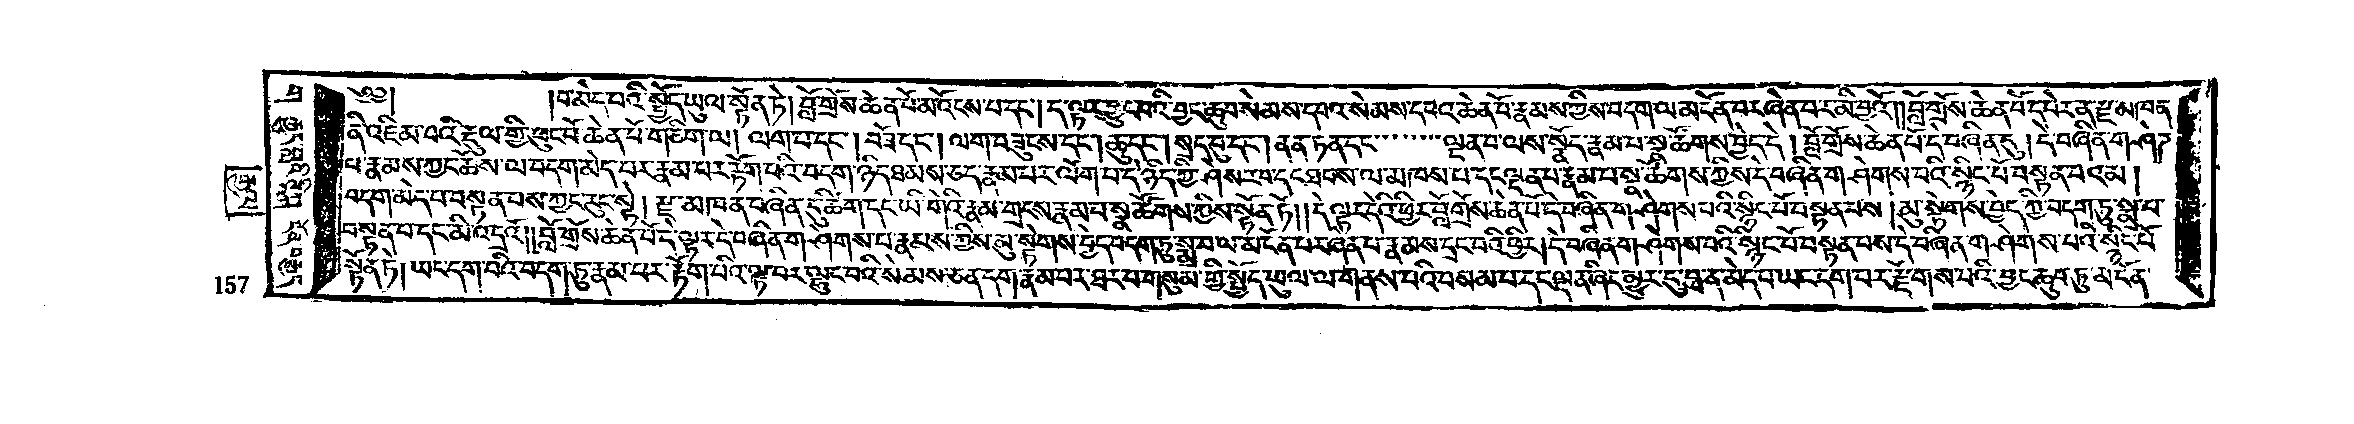༄༅། །བ་མེད་པའི་སྤྱོད་ཡུལ་སྟོན་ཏེ། བློ་གྲོས་ཆེན་པོ་མ་འོངས་པ་དང་། ད་ལྟར་བྱུང་བའི་བྱང་ཆུབ་སེམས་དཔའི་སེམས་དཔའ་ཆེན་པོ་རྣམས་ཀྱིས་བདག་ལ་མངོན་པར་ཞེན་པར་མི་བྱའོ། །བློ་གྲོས་ཆེན་པོ་དཔེར་ན་རྫ་མཁན་
ནི་འཇིམ་པའི་རྡུལ་གྱི་ཕུང་པོ་ཆེན་པོ་གཅིག་ལ། ལག་པ་དང་། བཟོ་དང་། ལག་བཟུངས་དང་། ཆུ་དང་། སྲད་བུ་དང་། ནན་ཏན་དང་ལྡན་པ་ལས་སྣོད་རྣམ་པ་སྣ་ཚོགས་བྱེད་དེ། བློ་གྲོས་ཆེན་པོ་དེ་བཞིན་དུ། དེ་བཞིན་གཤེགས་
པ་རྣམས་ཀྱང་ཆོས་ལ་བདག་མེད་པར་རྣམ་པར་རྟོག་པའི་བདག་ཉིད་ཐམས་ཅད་རྣམ་པར་ལོག་པ་དེ་ཉིད་ཀྱི་ཤེས་རབ་དང་ཐབས་ལ་མཁས་པ་དང་ལྡན་པ་རྣམ་པ་སྣ་ཚོགས་ཀྱིས་དེ་བཞིན་གཤེགས་པའི་སྙིང་པོ་བསྟན་པའམ།
བདག་མེད་པ་བསྟན་པས་ཀྱང་རུང་སྟེ། རྫ་མཁན་བཞིན་དུ་ཚིག་དང་ཡི་གེའི་རྣམ་གྲངས་རྣམ་པ་སྣ་ཚོགས་ཀྱིས་སྟོན་ཏོ། །དེ་ལྟར་དེའི་ཕྱིར་བློ་གྲོས་ཆེན་པོ་དེ་བཞིན་གཤེགས་པའི་སྙིང་པོ་བསྟན་པས། མུ་སྟེགས་བྱེད་ཀྱི་བདག་ཏུ་སྨྲ་བ་
བསྟན་པ་དང་མི་འདྲའོ། །བློ་གྲོས་ཆེན་པོ་དེ་ལྟར་དེ་བཞིན་གཤེགས་པ་རྣམས་ཀྱིས་མུ་སྟེགས་བྱེད་བདག་ཏུ་སྨྲ་བ་ལ་མངོན་པར་ཞེན་པ་རྣམས་དྲང་བའི་ཕྱིར། དེ་བཞིན་གཤེགས་པའི་སྙིང་པོ་བསྟན་པས་དེ་བཞིན་གཤེགས་པའི་སྙིང་པོ་
སྟོན་ཏེ། ཡང་དག་པའི་བདག་ཏུ་རྣམ་པར་རྟོག་པའི་ལྟ་བར་ལྷུང་བའི་སེམས་ཅན་དག་རྣམ་པར་ཐར་པ་གསུམ་གྱི་སྤྱོད་ཡུལ་ལ་གནས་པའི་བསམ་པ་དང་ལྡན་ཞིང་མྱུར་དུ་བླ་ན་མེད་པ་ཡང་དག་པར་རྫོགས་པའི་བྱང་ཆུབ་ཏུ་མངོན་